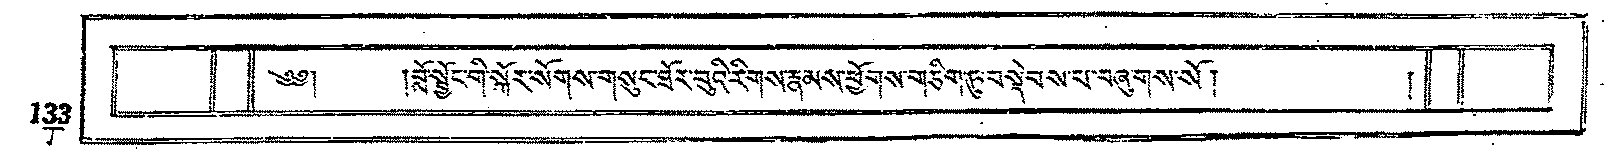༄༅། །བློ་སྦྱོང་གི་སྐོར་སོགས་གསུང་ཐོར་བུའི་རིགས་རྣམས་ཕྱོགས་གཅིག་ཏུ་བསྡེབས་པ་བཞུགས་སོ། །